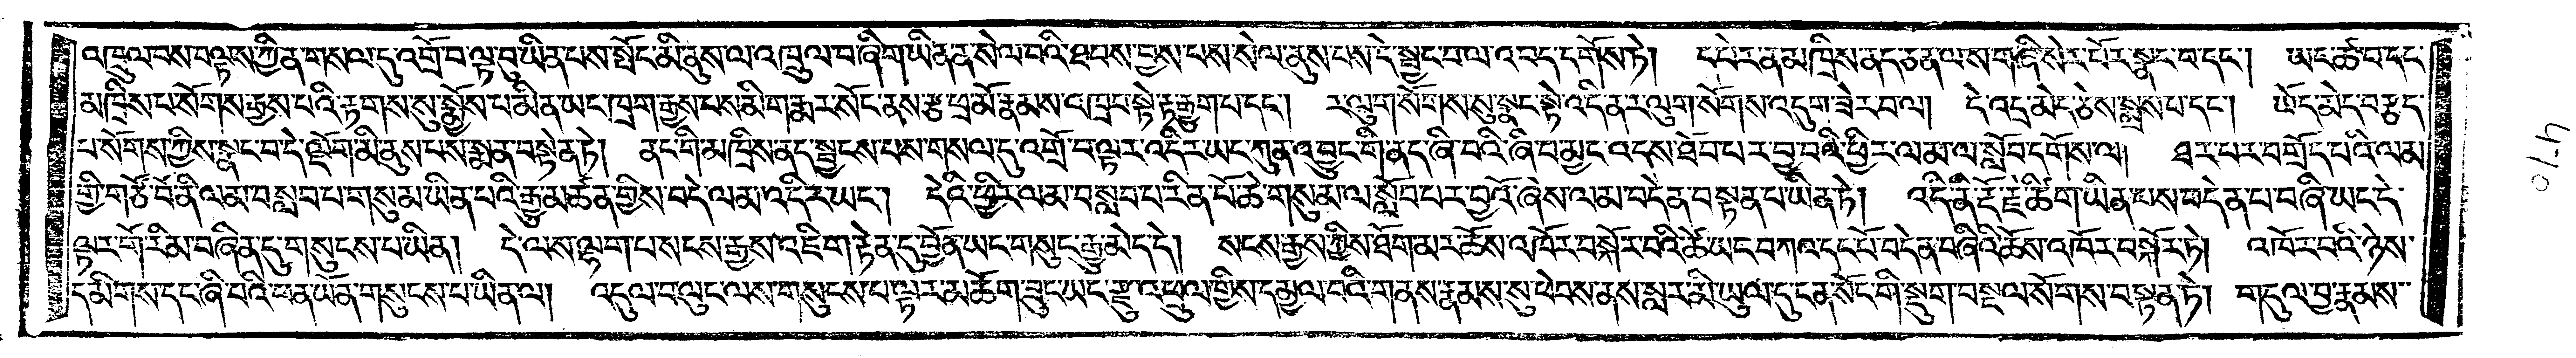འཁྲུལ་བས་བལྟས་ཀྱིན་གསལ་དུ་འགྲོ་བ་ལྟ་བུ་ཡིན་པས་སྤོང་མི་ནུས་ལ་འཁྲུལ་བ་ཞིག་ཡིན་ན་སེལ་བའི་ཐབས་བྱས་པས་སེལ་ནུས་པས་དེ་སྦྱང་བ་ལ་འབད་དགོས་ཏེ། དཔེར་ན་མཁྲིས་ནད་ཅན་ལས་གཞི་སར་པོར་སྣང་བ་དང་། ཡང་ཚ་བ་དང་
མཁྲིས་པ་སོགས་རྒྱས་པའི་རྟགས་སུ་སྨྱོས་པ་མིན་ཡང་ཁྲག་རྒྱས་པས་མིག་རྨར་སོང་ནས་རྩ་ཕྲ་མོ་རྣམས་འཁྲབ་སྟེ་རྟ་རྒྱུག་པ་དང་། ར་ལུག་སོགས་སུ་སྣང་སྟེ་འདི་ནར་ལུག་སོགས་འདུག་ཟེར་བ་ལ། དེ་འདྲ་མེད་ཅེས་སྨྲས་པ་དང་། ཡོད་མེད་བརྩད་
པ་སོགས་ཀྱིས་སྣང་བ་དེ་ལྡོག་མི་ནུས་པས་སྨན་བསྟེན་ཏེ། ནང་གི་མཁྲིས་ནད་སྦྱངས་པས་གསལ་དུ་འགྲོ་བ་ལྟར་འདིར་ཡང་ཀུན་འབྱུང་གི་ནད་ཞི་བའི་ཞི་བ་མྱང་འདས་ཐོབ་པར་བྱ་བའི་ཕྱིར་ལམ་ལ་སློབ་དགོས་ལ། ཐར་པར་བགྲོད་བའི་ལམ་
གྱི་གཙོ་བོ་ནི་ལམ་བསླབ་པ་གསུམ་ཡིན་པའི་རྒྱུ་མཚན་གྱིས་བདེ་ལམ་འདིར་ཡང་། དེའི་ཕྱིར་ལམ་བསླབ་པ་རིན་པོ་ཆེ་གསུམ་ལ་སློབ་པར་བྱའོ་ཞེས་ལམ་བདེན་བསྟན་པ་ཡིན་ཏེ། འདི་ནི་རྡོ་རྗེ་ཚིག་ཡིན་པས་བདེན་པ་བཞི་ཡང་དེ་
ལྟར་གོ་རིམ་བཞིན་དུ་གསུངས་པ་ཡིན། དེ་ལས་ལྷག་པས་སངས་རྒྱས་འཇིག་རྟེན་དུ་བྱོན་ཡང་གསུང་རྒྱུ་མེད་དེ། སངས་རྒྱས་ཀྱིས་ཐོག་མར་ཆོས་འཁོར་བསྐོར་བའི་ཚེ་ཡང་བཀའ་དང་པོ་བདེན་བཞིའི་ཆོས་འཁོར་བསྐོར་ཏེ། འཁོར་བའི་ཉེས་
དམིགས་དང་ཞི་བའི་ཕན་ཡོན་གསུངས་པ་ཡིན་ལ། འདུལ་བ་ལུང་ལས་གསུངས་པ་ལྟར་མཆོག་ཟུང་ཡང་རྫུ་འཕྲུལ་གྱིས་དམྱལ་བའི་གནས་རྣམས་སུ་ཕེབས་ནས་སླར་མི་ཡུལ་དུ་ངན་སོང་གི་སྡུག་བསྔལ་སོགས་བསྟན་ཏེ། གདུལ་བྱ་རྣམས་